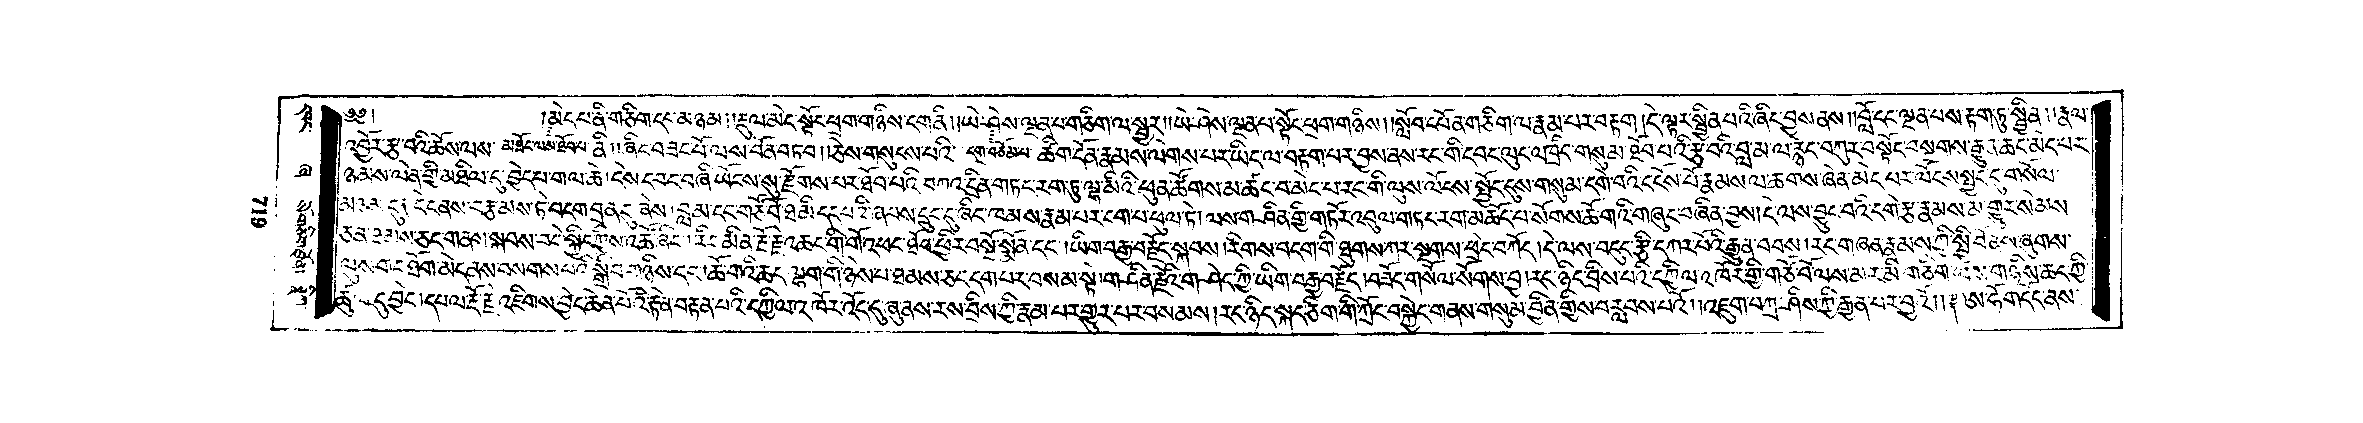༄༅། །མེད་པ་ནི་གཅིག་དང་མཉམ། །རྡུལ་མེད་སྟོང་ཕྲག་གཉིས་དག་ནི། །ཡེ་ཤེས་ལྡན་པ་གཅིག་ལ་སྦྱར། །ཡེ་ཤེས་ལྡན་པ་སྟོང་ཕྲག་གཉིས། །སློབ་དཔོན་གཅིག་ལ་རྣམ་པར་བརྟག །དེ་ལྟར་སྦྱིན་པའི་ཞིང་བྱས་ནས། །བློ་དང་ལྡན་པས་རྟག་ཏུ་སྦྱིན། །རྣལ་
འབྱོར་རྩ་བའི་ཆོས་ལས་མཐོང་ལམ་ཐོབ་པ་ནི། །ཞིང་བཟང་པོ་ལ་ས་བོན་བཏབ། །ཅེས་གསུངས་པའི་དགྲ་བཅོམ་པ་ཚིག་དོན་རྣམས་ལེགས་པར་ཡིད་ལ་བརྟག་པར་བྱས་ནས་རང་གི་དབང་ལུང་འཁྲིད་གསུམ་ཐོབ་པའི་རྩ་བའི་བླ་མ་ལ་རྙེད་བཀུར་བསྟོད་བསྔགས་རྒྱུན་ཆད་མེད་པར་
ཉམས་ལེན་གྱི་མཐིལ་དུ་བྱེད་པ་གལ་ཆེ། དེས་དབང་བཞི་ཡོངས་སུ་རྫོགས་པར་ཐོབ་པའི་བཀའ་དྲིན་གཏང་རག་ཏུ་ལྷ་མིའི་ཕུན་ཚོགས་མ་ཚང་བ་མེད་པ་རང་གི་ལུས་ལོངས་སྤྱོད་དུས་གསུམ་དགེ་བའི་དངོས་པོ་རྣམས་ལ་ཆགས་ཞེན་མེད་པར་ལོངས་སྤྱད་དུ་གསོལ་
མཉམ་དུ། དེང་ནས་བརྩམས་ཏེ་བདག་བྲན་དུ་ཞེས། བླ་མ་དང་གཙོ་བོ་ཐ་མི་དད་པའི་ཞབས་དྲུང་དུ་ཞིང་ཁམས་རྣམ་པར་དག་པ་ཕུལ་ཏེ། ལས་གཤིན་གྱི་གཏོར་འབུལ་གཏང་རག་མཆོད་པ་སོགས་ཆོ་གའི་གཞུང་བཞིན་བྱས། དེ་ལས་བྱུང་བའི་དགེ་རྩ་རྣམས་མ་གྱུར་སེམས་
ཅན་ཐམས་ཅད་གནས་སྐབས་བདེ་སྐྱིད་ཀྱིས་འཚོ་ཞིང་། རིང་མིན་རྡོ་རྗེ་འཆང་གི་གོ་འཕང་ཐོབ་ཕྱིར་བསྔོ་སྨོན་དང་། ཡིག་བརྒྱ་བརྗོད་སྐབས། རིགས་བདག་གི་ཐུགས་ཀར་སྔགས་ཕྲེང་བཀོད། དེ་ལས་བདུད་རྩི་དཀར་པོའི་རྒྱུན་བབས། རང་གཞན་རྣམས་ཀྱི་སྤྱི་བོ་ནས་ཞུགས་
ལུས་གང་ཐོག་མེད་ནས་བསགས་པའི་སྒྲིབ་གཉིས་དང་། ཆོ་གའི་ཆད་ལྷག་གི་ཉེས་པ་ཐམས་ཅད་དག་པར་བསམ་སྟེ། གཤིན་རྗེའི་གཤེད་ཀྱི་ཡིག་བརྒྱ་བརྗོད། བཟོད་གསོལ་སོགས་བྱ། རང་ཉིད་བྲིས་པའི་དཀྱིལ་འཁོར་གྱི་གཙོ་བོ་ལས་མར་མི་གཅིག་ལས་གཉིས་ཆད་ཀྱི་
ཚུལ་དུ་བྱེད། དཔལ་རྡོ་རྗེ་འཇིགས་བྱེད་ཆེན་པོའི་རྟེན་བརྟན་པའི་དཀྱིལ་འཁོར་འོད་དུ་ཞུ་ནས་རས་བྲིས་ཀྱི་རྣམ་པར་གྱུར་པར་བསམས། རང་ཉིད་སྐད་ཅིག་གི་ཀྲོང་བསྐྱེད་གནས་གསུམ་བྱིན་གྱིས་བརླབས་པའོ། །འཇུག་བཀྲ་ཤིས་ཀྱི་རྒྱན་པར་བྱའོ། །༈ ཨ་ཧོ་གདོད་ནས་